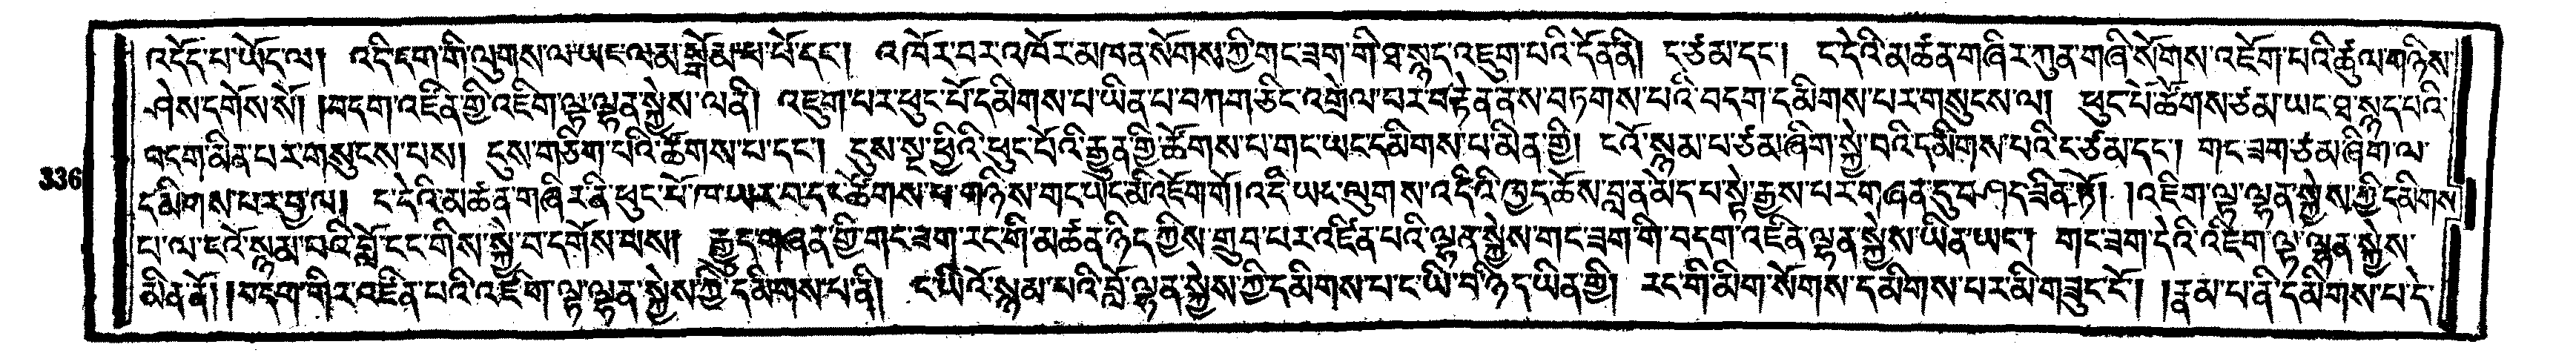འདོད་པ་ཡོད་ལ། འདི་དག་གི་ལུགས་ལ་ཡང་ལམ་སྒོམ་པ་པོ་དང་། འཁོར་བར་འཁོར་མཁན་སོགས་ཀྱི་གང་ཟག་གི་ཐ་སྙད་འཇུག་པའི་དོན་ནི། །ད་ཙམ་དང་། ང་དེའི་མཚན་གཞིར་ཀུན་གཞི་སོགས་འཇོག་པའི་ཚུལ་གཉིས་
ཤེས་དགོས་སོ། །བདག་འཛིན་གྱི་འཇིག་ལྟ་ལྷན་སྐྱེས་ལ་ནི། འཇུག་པར་ཕུང་བོ་དམིགས་པ་ཡིན་པ་བཀག་ཅིང་འགྲེལ་བར་བརྟེན་ནས་བཏགས་པའི་བདག་དམིགས་པར་གསུངས་ལ། ཕུང་པོ་ཚོགས་ཙམ་ཡང་ཐ་སྙད་པའི་
བདག་མིན་པར་གསུངས་པས། དུས་གཅིག་པའི་ཚོགས་པ་དང་། དུས་སྔ་ཕྱིའི་ཕུང་པོའི་རྒྱུན་གྱི་ཚོགས་པ་གང་ཡང་དམིགས་པ་མིན་གྱི། ངའི་སྙམ་པ་ཙམ་ཞིག་སྐྱེ་བའི་དམིགས་པའི་ང་ཙམ་དང་། གང་ཟག་ཙམ་ཞིག་ལ་
དམིགས་པར་བྱ་ལ། ང་དེའི་མཚན་གཞིར་ནི་ཕུང་པོ་ཁ་ཡར་བ་དང་ཚོགས་པ་གཉིས་གང་ཡང་མི་འཇོག་གོ། །འདི་ཡང་ལུགས་འདིའི་ཁྱད་ཆོས་བླ་ན་མེད་པ་སྟེ་རྒྱས་པར་གཞན་དུ་བཤད་ཟིན་ཏོ། །འཇིག་ལྟ་ལྷན་སྐྱེས་ཀྱི་དམིགས་
པ་ལ་ངའོ་སྙམ་པའི་བློ་ངང་གིས་སྐྱེ་བ་དགོས་པས། རྒྱུད་གཞན་གྱི་གང་ཟག་རང་གི་མཚན་ཉིད་ཀྱིས་གྲུབ་པར་འཛིན་པའི་ལྷན་སྐྱེས་གང་ཟག་གི་བདག་འཛིན་ལྷན་སྐྱེས་ཡིན་ཡང་། གང་ཟག་དེའི་འཇིག་ལྟ་ལྷན་སྐྱེས་
མིན་ནོ། །བདག་གིར་འཛིན་པའི་འཇིག་ལྟ་ལྷན་སྐྱེས་ཀྱི་དམིགས་པ་ནི། །ང་ཡིའོ་སྙམ་པའི་བློ་ལྷན་སྐྱེས་ཀྱི་དམིགས་པ་ང་ཡི་བ་ཉིད་ཡིན་གྱི། རང་གི་མིག་སོགས་དམིགས་པར་མི་གཟུང་ངོ། །རྣམ་པ་ནི་དམིགས་པ་དེ་